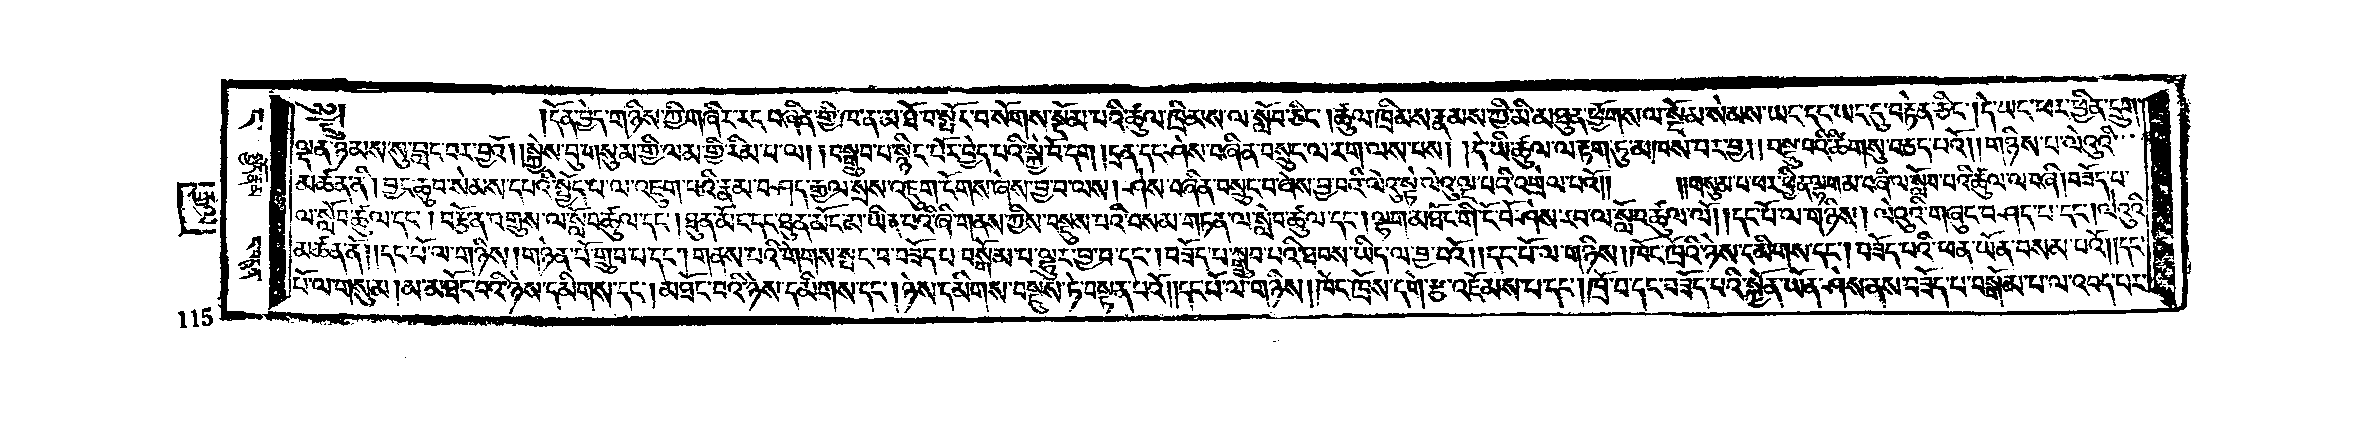༄༅། །དོན་བྱེད་གཉིས་ཀྱི་གཞིར་རང་བཞིན་གྱི་ཁ་ན་མ་ཐོ་བ་སྤོང་བ་སོགས་སྡོམ་པའི་ཚུལ་ཁྲིམས་ལ་སློབ་ཅིང་། ཚུལ་ཁྲིམས་རྣམས་ཀྱི་མི་མཐུན་ཕྱོགས་ལ་སྡོམ་སེམས་ཡང་དང་ཡང་དུ་བརྟེན་ཅིང་། དེ་ཡང་ཕར་ཕྱིན་དྲུག་
ལྡན་ཉམས་སུ་བླང་བར་བྱའོ། །སྐྱེས་བུ་གསུམ་གྱི་ལམ་གྱི་རིམ་པ་ལ། །བསྒྲུབ་པ་སྙིང་པོར་བྱེད་པའི་སྐྱེ་བོ་དག །དྲན་དང་ཤེས་བཞིན་བསྲུང་ལ་རག་ལས་པས། །དེ་ཡི་ཚུལ་ལ་རྟག་ཏུ་མཁས་པར་བྱ། །བསྡུ་བའི་ཚིགས་སུ་བཅད་པའོ། །གཉིས་པ་ལེའུའི་
མཚན་ནི། བྱང་ཆུབ་སེམས་དཔའི་སྤྱོད་པ་ལ་འཇུག་པའི་རྣམ་བཤད་རྒྱལ་སྲས་འཇུག་ངོགས་ཞེས་བྱ་བ་ལས། ཤེས་བཞིན་བསྲུང་བ་ཞེས་བྱ་བའི་ལེའུ་སྟེ་ལེའུ་ལྔ་པའི་འགྲེལ་པའོ།། །།གསུམ་པ་ཕར་ཕྱིན་ལྷག་མ་བཞི་ལ་སློབ་པའི་ཚུལ་ལ་བཞི། བཟོད་པ་
ལ་སློབ་ཚུལ་དང་། བརྩོན་འགྲུས་ལ་སློབ་ཚུལ་དང་། ཐུན་མོང་དང་ཐུན་མོང་མ་ཡིན་པའི་ཞི་གནས་ཀྱིས་བསྡུས་པའི་བསམ་གཏན་ལ་སླེབ་ཚུལ་དང་། ལྷག་མཐོང་གི་ངོ་བོ་ཤེས་རབ་ལ་སློབ་ཚུལ་ལོ། །དང་པོ་ལ་གཉིས། ལེའུའི་གཞུང་བཤད་པ་དང་། ལེའུའི་
མཚན་ནོ། །དང་པོ་ལ་གཉིས། གཉེན་པོ་གྲུབ་པ་དང་། གནས་པའི་གེགས་སྤང་བ་བཟོད་པ་བསྒོམ་པ་ལྷུར་བྱ་བ་དང་། བཟོད་པ་སྒྲུབ་པའི་ཐབས་ཡིད་ལ་བྱ་བའོ། །དང་པོ་ལ་གཉིས། ཁོང་ཁྲོའི་ཉེས་དམིགས་དང་། བཟོད་པའི་ཕན་ཡོན་བསམ་པའོ། །དང་
པོ་ལ་གསུམ། མ་མཐོང་བའི་ཉེས་དམིགས་དང་། མཐོང་བའི་ཉེས་དམིགས་དང་། ཉེས་དམིགས་བསྡུས་ཏེ་བསྟན་པའོ། །དང་པོ་ལ་གཉིས། ཁོང་ཁྲོས་དགེ་རྩ་འཇོམས་པ་དང་། ཁྲོ་བ་དང་བཟོད་པའི་སྐྱོན་ཡོན་ཤེས་ནས་བཟོད་པ་བསྒོམ་པ་ལ་འབད་པར་